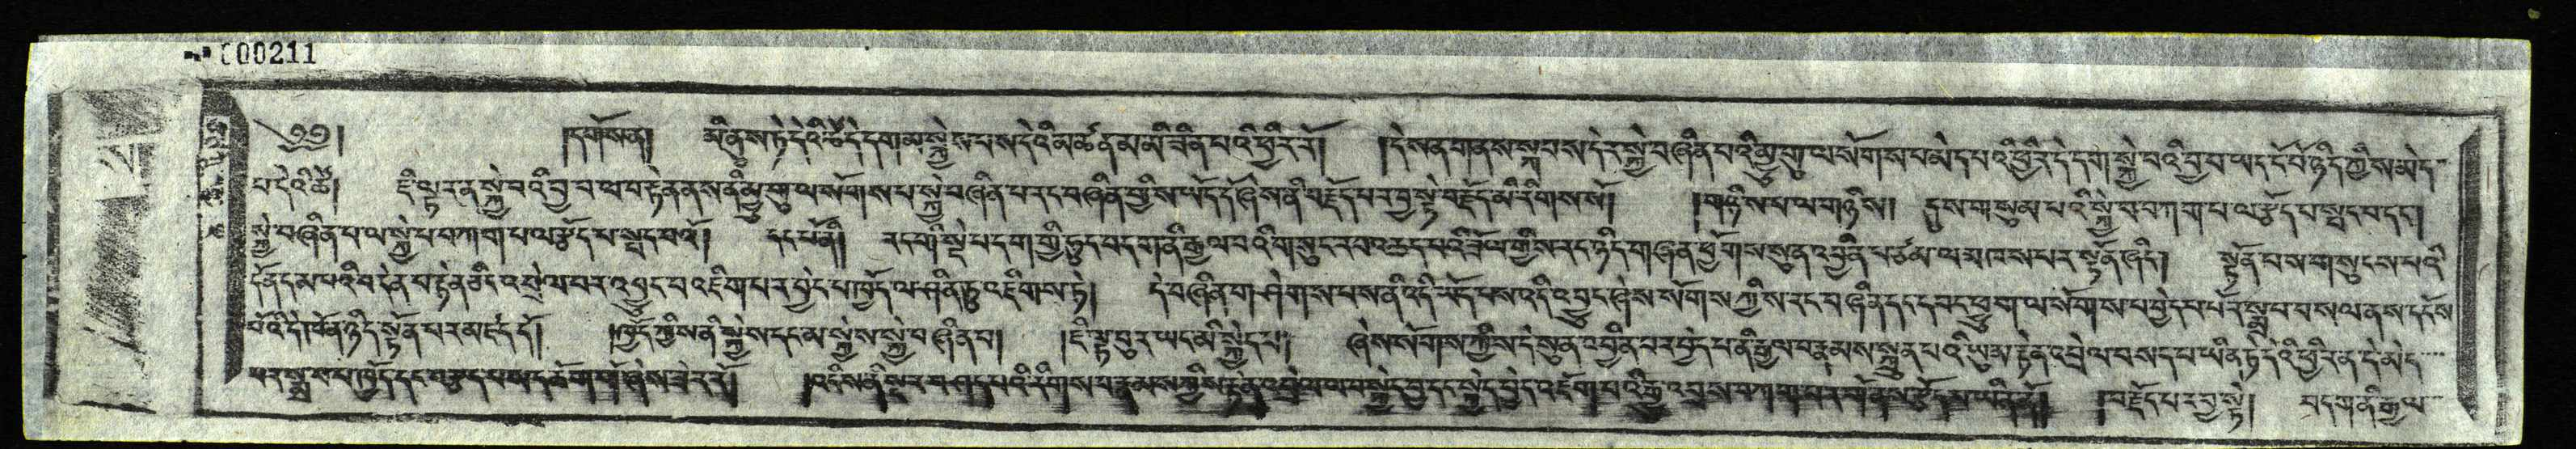༄༅། །དགོས་ན། མི་ནུས་ཏེ་དེའི་ཚེ་དེ་དག་མ་སྐྱེས་པས་དེའི་མཚན་མ་མི་ཟིན་པའི་ཕྱིར་རོ། །དེས་ན་གནས་སྐབས་དེར་སྐྱེ་བཞིན་པའི་མྱུ་གུ་ལ་སོགས་པ་མེད་པའི་ཕྱིར་དེ་དག་སྐྱེ་བའི་བྱ་བ་ཡང་ངོ་བོ་ཉིད་ཀྱིས་མེད་
པ་དེའི་ཚེ། ཇི་ལྟར་ན་སྐྱེ་བའི་བྱ་བ་ལ་བརྟེན་ནས་ནི་མྱུ་གུ་ལ་སོགས་པ་སྐྱེ་བཞིན་པ་རང་བཞིན་གྱིས་ཡོད་དོ་ཞེས་ནི་བརྗོད་པར་བྱ་སྟེ་བརྗོད་མི་རིགས་སོ། །གཉིས་པ་ལ་གཉིས། དུས་གསུམ་པའི་སྐྱེ་བ་བཀག་པ་ལ་རྩོད་པ་སྤང་པ་དང་།
སྐྱེ་བཞིན་པ་ལ་སྐྱེ་པ་བཀག་པ་ལ་རྩོད་པ་སྤང་པའོ། དང་པོ་ནི། རང་གི་སྡེ་པ་དག་གྱི་ཧུད་བདག་ནི་རྒྱལ་བའི་གསུང་རབ་འཆད་པའི་ཟོལ་གྱིས་རང་ཉིད་གཞན་ཕྱོགས་སུན་འབྱིན་པ་ཙམ་ལ་མཁས་པར་སྟོན་ཞིང་། སྟོན་པས་གསུངས་པའི་
དོན་དམ་པའི་བདེན་པ་རྟེན་ཅིང་འབྲེལ་བར་འབྱུང་པ་འཇིག་པར་བྱེད་པ་ཁྱོད་ལ་ཤིན་ཏུ་འཇིགས་ཏེ། དེ་བཞིན་གཤེགས་པས་ནི་འདི་ཡོད་པས་འདི་འབྱུང་ཞེས་སོགས་ཀྱིས་རང་བཞིན་དང་དབང་ཕྱུག་ལ་སོགས་པ་བྱེད་པ་པོར་སྨྲ་པ་བསལ་ནས་དངོས་
པོའི་དེ་ཁོ་ན་ཉིད་སྟོན་པར་མཛད་དོ། །ཁྱོད་ཀྱིས་ནི་སྐྱེས་དང་མ་སྐྱེས་སྐྱེ་བཞིན་པ། །ཇི་ལྟ་བུར་ཡང་མི་སྐྱེད་པ། ཞེས་སོགས་ཀྱིས་དེ་སུན་འབྱིན་པར་བྱེད་པ་ནི་རྒྱལ་བ་རྣམས་སྐྲུན་པའི་ཡུམ་རྟེན་འབྲེལ་བསད་པ་ཡིན་ཏེ་དེའི་ཕྱིར་ན་དེ་མེད་
པར་སྨྲ་བ་པ་ཁྱོད་དང་བརྩད་པ་ད་ཆོག་གོ་ཞེས་ཟེར་རོ། །འདིས་ནི་སྔར་བཤད་པའི་རིགས་པ་རྣམས་ཀྱིས་རྟེན་འབྲེལ་ལ་བསྐྱེད་བྱ་དང་སྐྱེད་བྱེད་འཇོག་པའི་རྒྱུ་འབྲས་བཀག་པར་གོ་ནས་རྩོད་པ་ཡིན་ནོ། །བརྗོད་པར་བྱ་སྟེ། བདག་ནི་རྒྱལ་